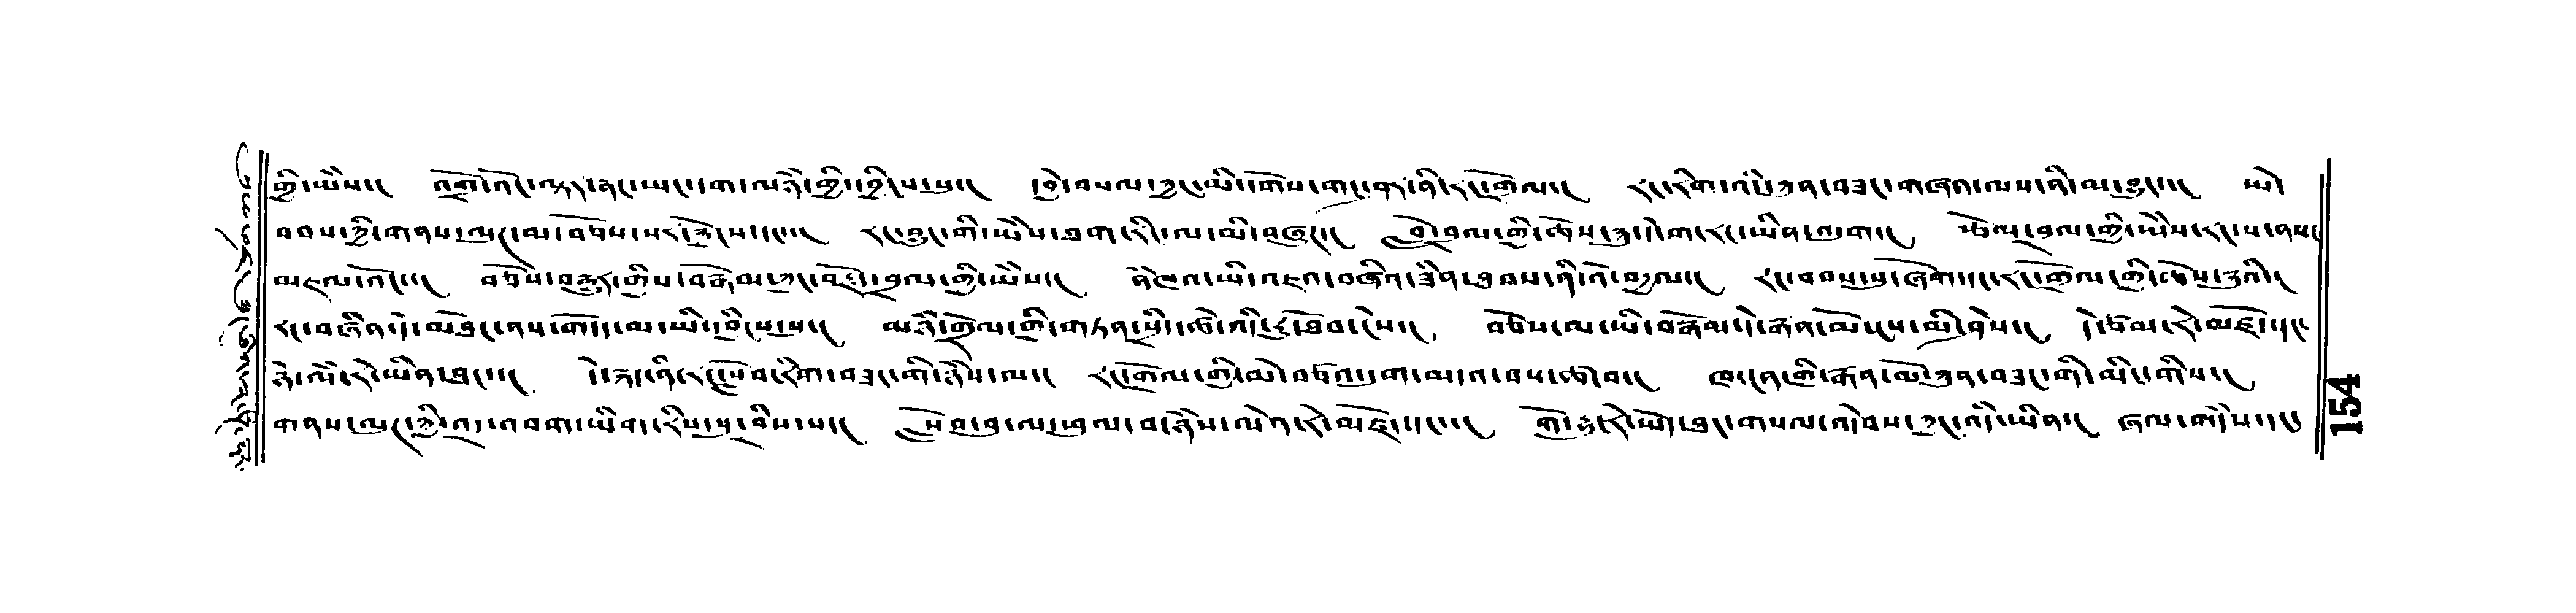གྱི་ཡེ་ཤེས། །འགྲོ་འོང་ལྟར་སྣང་ཡང་དག་མཉམ་གྱི་དབྱིངས་སུ། །དབྱེ་བསལ་ཀྱང་མི་དགོས་གང་ཤར་ནི་རང་གྲོལ། །རང་རིག་འདི་ཀུན་བཟང་གཞན་ལས་ནི་མ་བྱུང་། །ཡེ་
བབས་ཀྱི་གནས་ལུགས་མ་བཅོས་པར་སྐྱོངས་དང་། །རང་བྱུང་གི་ཡེ་ཤེས་ཐག་རིང་ལ་མི་བཞུགས། །བློ་བྲལ་གྱི་ཆོས་སྐུ་དེ་ག་རང་ཡིན་འདུག །རྩོལ་བྲལ་གྱི་ཡེ་ཤེས་རང་ས་ནས་
མཇལ་འོང་། །བཅོས་བསྒྱུར་གྱིས་བསྒོམ་ཀྱང་བརྗོད་བྲལ་གྱི་ཡེ་ཤེས། །ནམ་མཁའ་ཡི་འཇའ་བཞིན་ཟིན་ཐབས་ནི་འོ་བརྒྱལ། །རང་བབས་སུ་ཞོག་དང་རང་གྲོལ་གྱི་ཆོས་སྐུའི། །
རང་བཞིན་དེ་མཐོང་ནས་གདོད་མ་ཡི་དབྱིངས་སུ། །མཉམ་གྲོལ་གྱི་གཏན་སྲིད་ཚེ་འདི་རུ་ཐོབ་ངེས། །བཅོས་མ་ཡི་བསྒོམ་དེ་རྒན་མོ་ངས་མི་ཤེས། །དེ་ཙམ་རེ་མཛོད་དང་
ཉེ་ལམ་རེ་ཡིན་ཐང་། །དེ་སྐད་ནི་རང་སློབ་རིག་བཟང་གི་ཉམས་ལ། །རང་གྲོལ་གྱི་མེ་བཙའ་དུག་མདའ་བས་ཚ་བ། ཁ་ངན་གྱི་རྒན་མོ་ཀུན་བཟང་གིས་མིང་གིས། །
གནས་ལུགས་ཀྱི་འདྲ་འབག་ཡིག་རིས་སུ་བྲིས་པ། །སློབ་བུ་ལ་ཕུལ་བ་ཉམས་ལེན་རེ་མཛོད་དང་། །གོ་རྒྱུ་རེ་ཡོད་ཐང་གསལ་འདེབས་ཀྱང་འདི་ཡིན། །ཞལ་གདམས་དང་